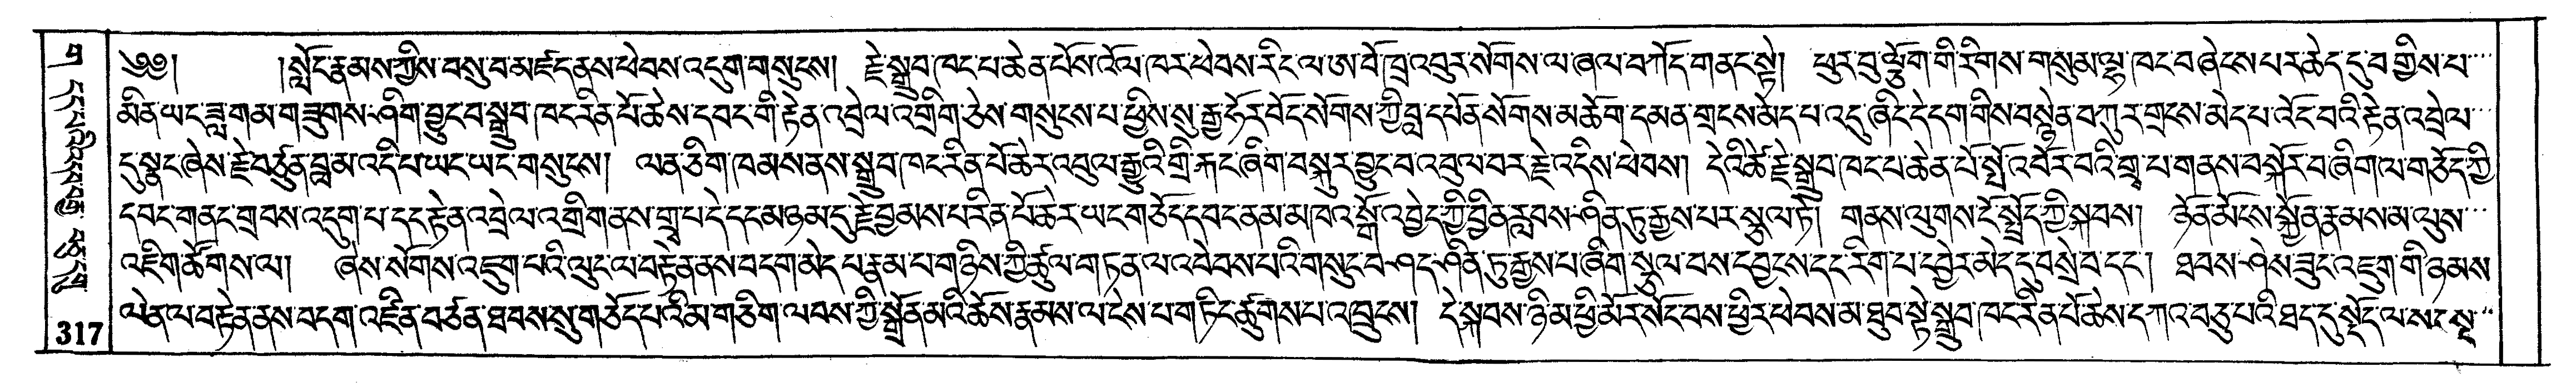༄༅། །སློང་རྣམས་ཀྱིས་བསུ་བ་མཛད་ནས་ཕེབས་འདུག་གསུངས། རྗེ་སྒྲུབ་ཁང་པ་ཆེན་པོས་འོལ་ཁར་ཕེབས་རིང་ལ་ཨ་བོ་ཁྲ་འབུར་སོགས་ལ་ཞལ་བཀོད་གནང་སྟེ། ཕུར་བུ་ལྕོག་གི་རིགས་གསུམ་ལྷ་ཁང་བཞེངས་པར་ཆེད་དུ་བགྱིས་པ་
མིན་ཡང་ཟླ་གམ་གཟུགས་ཤིག་བྱུང་བ་སྒྲུབ་ཁང་རིན་པོ་ཆེས་དབང་གི་རྟེན་འབྲེལ་འགྲིག་ཅེས་གསུངས་པ་ཕྱིས་སུ་རྒྱ་ཧོར་བོད་སོགས་ཀྱི་བླ་དབོན་སོགས་མཆོག་དམན་གྲངས་མེད་པ་འདུ་ཞིང་དེ་དག་གིས་བསྙེན་བཀུར་གྲངས་མེད་པ་འོང་བའི་རྟེན་འབྲེལ་
དུ་སྣང་ཞེས་རྗེ་བཙུན་བླ་མ་འདི་པ་ཡང་ཡང་གསུངས། ལན་ཅིག་ཁམས་ནས་སྒྲུབ་ཁང་རིན་པོ་ཆེར་འབུལ་རྒྱུའི་གྲི་རྐང་ཞིག་བསྐུར་བྱུང་བ་འབུལ་བར་རྗེ་འདིས་ཕེབས། དེའི་ཚེ་རྗེ་སྒྲུབ་ཁང་བ་ཆེན་པོ་སྤོ་འབོར་བའི་གྲྭ་པ་གནས་བསྐོར་བ་ཞིག་ལ་གཅོད་ཀྱི་
དབང་གནང་གྲབས་འདུག་པ་དང་རྟེན་འབྲེལ་འགྲིག་ནས་གྲྭ་པ་དེ་དང་མཉམ་དུ་རྗེ་བྱམས་པ་རིན་པོ་ཆེར་ཡང་གཅོད་དབང་ནམ་མཁའ་སྒོ་འབྱེད་ཀྱི་བྱིན་རླབས་ཤིན་ཏུ་རྒྱས་པར་སྩལ་ཏེ། གནས་ལུགས་ངོ་སྤྲོད་ཀྱི་སྐབས། ཉོན་མོངས་སྐྱོན་རྣམས་མ་ལུས་
འཇིག་ཚོགས་ལ། ཞེས་སོགས་འཇུག་པའི་ལུང་ལ་བརྟེན་ནས་བདག་མེད་པ་རྣམ་པ་གཉིས་ཀྱི་ཚུལ་གཏན་ལ་འབེབས་པའི་གསུང་བཤད་ཤིན་ཏུ་རྒྱས་པ་ཞིག་སྩལ་བས་དབྱིངས་དང་རིག་པ་དབྱེར་མེད་དུ་བསྲེ་བ་དང་། ཐབས་ཤེས་ཟུང་འཇུག་གི་ཉམས་
ལེན་ལ་བརྟེན་ནས་བདག་འཛིན་བཙན་ཐབས་སུ་གཅོད་བའི་མ་གཅིག་ལབས་ཀྱི་སྒྲོན་མའི་ཆོས་རྣམས་ལ་ངེས་པ་གཏིང་ཚུགས་པ་འཁྲུངས། དེ་སྐབས་ཉི་མ་ཕྱི་མོར་སོང་བས་ཕྱིར་ཕེབས་མ་ཐུབ་སྟེ་སྒྲུབ་ཁང་རིན་པོ་ཆེས་དཀའ་བཅུ་པའི་ཐད་དུ་སྡོད་ལ་སང་སྔ་